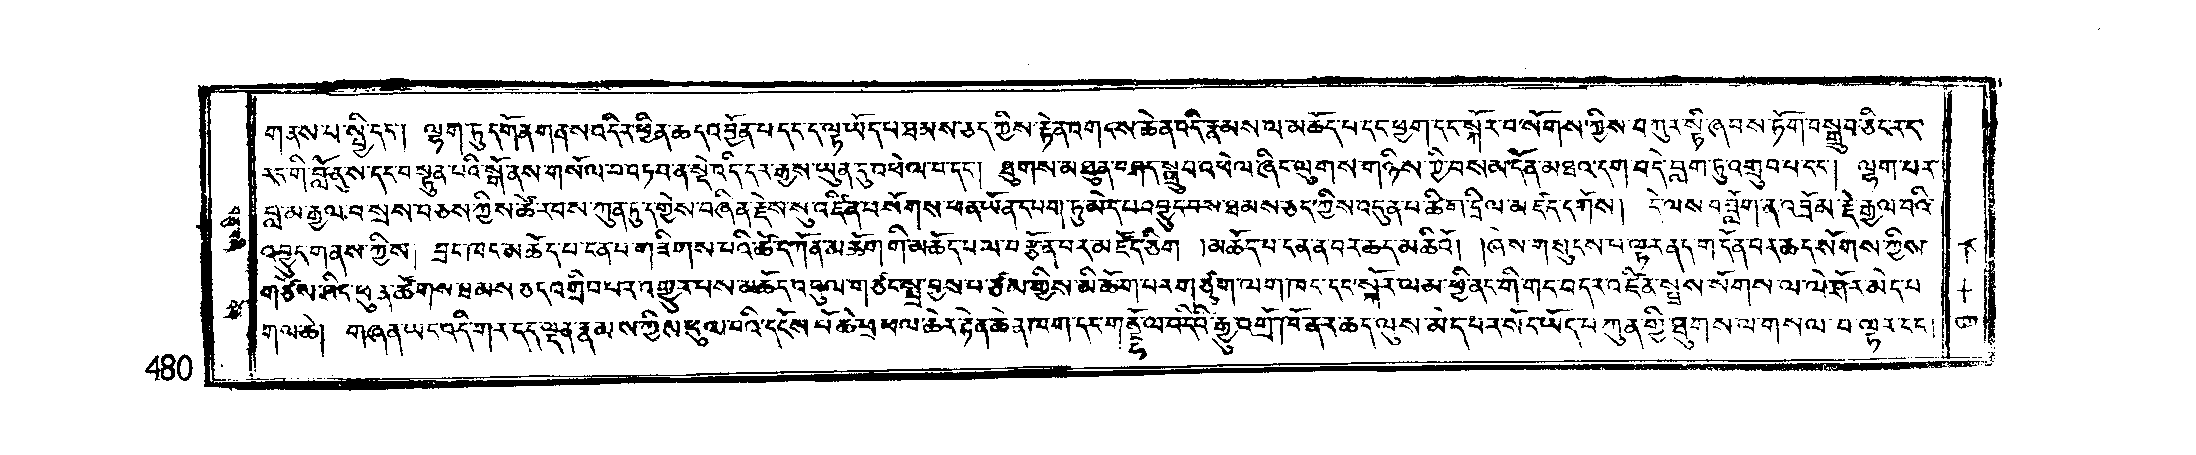གནས་པ་སྤྱི་དང་། ལྷག་ཏུ་དགོན་གནས་འདིར་ཕྱིན་ཆད་འབྱོན་པ་དང་ད་ལྟ་ཡོད་པ་ཐམས་ཅད་ཀྱིས་རྟེན་འགངས་ཆེན་འདི་རྣམས་ལ་མཆོད་པ་དང་ཕྱག་དང་སྐོར་བ་སོགས་ཀྱིས་བཀུར་སྟི་ཞབས་ཏོག་བསྒྲུབ་ཅིང་རང་
རང་གི་བློ་ནུས་དང་བསྟུན་པའི་སྒོ་ནས་གསོལ་བ་བཏབ་ན་སྡེ་འདི་དར་རྒྱས་ཡུན་དུ་འཕེལ་བ་དང་། ཐུགས་མཐུན་བཤད་སྒྲུབ་འཕེལ་ཞིང་ལུགས་གཉིས་ཀྱི་བསམ་དོན་མཐའ་དག་བདེ་བླག་ཏུ་འགྲུབ་པ་དང་། ལྷག་པར་
བླ་མ་རྒྱལ་བ་སྲས་བཅས་ཀྱིས་ཚེ་རབས་ཀུན་ཏུ་དགྱེས་བཞིན་རྗེས་སུ་འཛིན་པ་སོགས་ཕན་ཡོན་དཔག་ཏུ་མེད་པ་འབྱུང་བས་ཐམས་ཅད་ཀྱིས་འདུན་པ་ཚིག་དྲིལ་མཛད་དགོས། དེ་ལས་བཟློག་ན་འབྲོམ་རྗེ་རྒྱལ་བའི་
འབྱུང་གནས་ཀྱིས། བྲང་ཁང་མཆོད་པ་ངན་པ་གཟིགས་པའི་ཚེ་དཀོན་མཆོག་གི་མཆོད་པ་ལ་བརྩོན་པར་མཛོད་ཅིག །མཆོད་པ་ངན་ན་བར་ཆད་མཆིའོ། །ཞེས་གསུངས་པ་ལྟར་ནད་གདོན་བར་ཆད་སོགས་ཀྱིས་
གཙེས་ཤིང་ཕུན་ཚོགས་ཐམས་ཅད་འགྲིབ་པར་འགྱུར་པས་མཆོད་འབུལ་གཙང་སྤྲ་བྱས་པ་ཙམ་གྱིས་མི་ཆོག་པར་གཙུག་ལག་ཁང་དང་སྐོར་ལམ་ཕྱི་ནང་གི་གང་བདར་འཛིན་སྤྲས་སོགས་ལ་ལེ་ཤོར་མེད་པ་
གལ་ཆེ། གཞན་ཡང་འདི་གར་དད་ལྡན་རྣམས་ཀྱིས་ཕུལ་བའི་དངོས་པོ་ཆེ་ཕྲ་ཕལ་ཆེར་རྟེན་ཆེན་ཁག་དང་གནྡྷོ་ལ་འདིའི་རྒྱུ་འགྲོ་ཁོ་ནར་ཆད་ལུས་མེད་པར་སོང་ཡོད་པ་ཀུན་གྱི་ཐུགས་ལ་གསལ་བ་ལྟར་དང་།